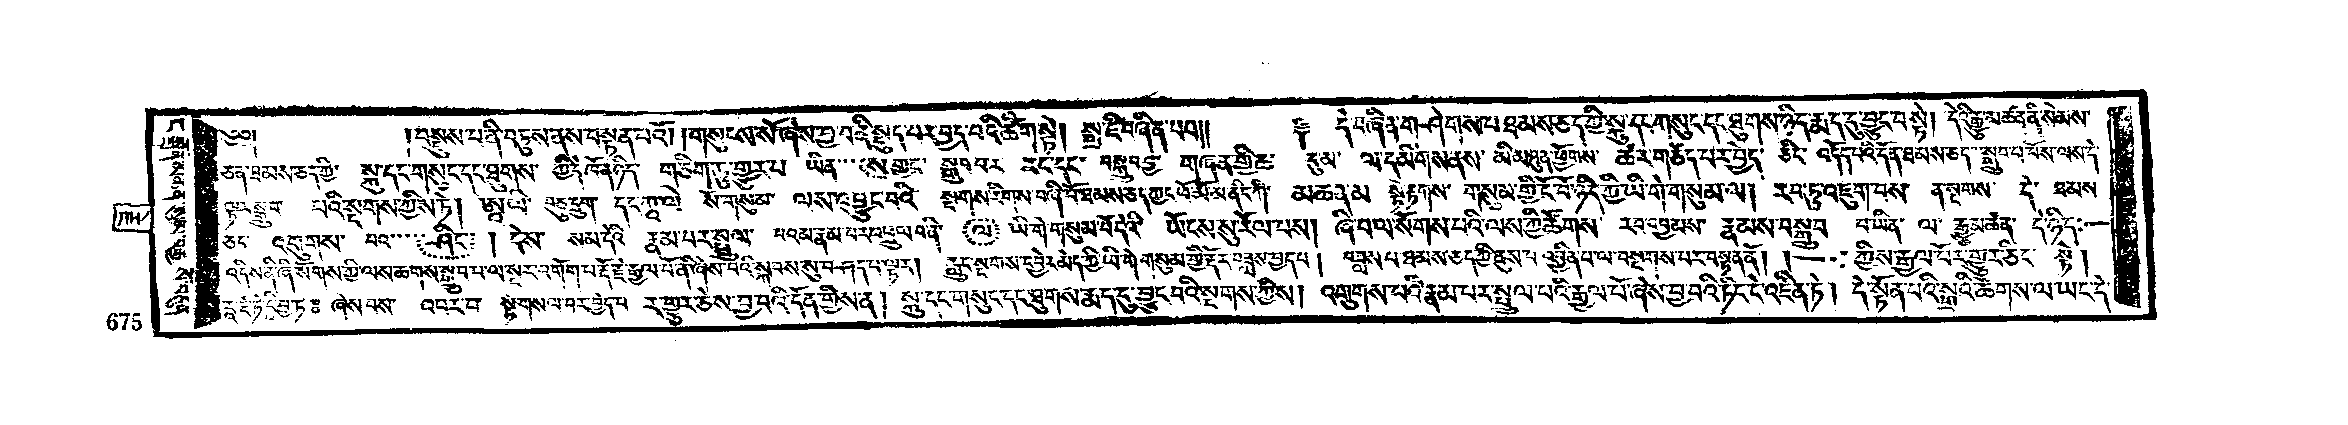༄༅། །བསྡུས་པ་ནི་བཏུས་ནས་བསྟན་པའོ། །གསུངས་སོ་ཞེས་བྱ་བ་ནི་སྡུད་པར་བྱད་པའི་ཆོག་སྟེ། སྒྲ་ཇི་བཞིན་པའོ།། ༈ དེ་བཞིན་གཤེགས་པ་ཐམས་ཅད་ཀྱི་སྐུ་དང་གསུང་དང་ཐུགས་ཉིད་རྨད་དུ་བྱུང་བ་སྟེ། དེའི་རྒྱུ་མཚན་ནི་སེམས་
ཅན་ཐམས་ཅད་ཀྱི་སྐུ་དང་གསུང་དང་ཐུགས་ཀྱི་དེ་ཁོ་ན་ཉིད་གཅིག་ཏུ་གྱུར་པ་ཡིན་པས་ཀྱང་སྒྲུབ་པར་རང་དང་བསྒྲུབ་བྱ་གཞན་གྱི་ཆ་དུ་མ་ལ་དམིགས་ནས་མི་མཐུན་ཕྱོགས་ཚར་གཅོད་པར་བྱེད་ཅིང་འདོད་པའི་དོན་ཐམས་ཅད་སྒྲུབ་པ་པོས་ལས་དེ་
ལྟར་སྒྲུབ་པའི་སྔགས་ཀྱིས་ཏེ། ཨཱ་ལི་བཅུ་དྲུག་དང་ཀཱ་ལེ་སོ་གསུམ་ལས་འབྱུང་བའི་སྔགས་རིགས་བཞི་པོ་ཐམས་ཅད་ཀྱང་ཕོ་མོ་མ་ནིང་གི་མཚན་མ་སྟེ་རྟགས་གསུམ་གྱི་ངོ་བོ་ཉིད་ཀྱི་ཡི་གེ་གསུམ་ལ། རབ་ཏུ་འཇུག་པས་ན་སྔགས་དེ་ཐམས་
ཅད་འགུགས་པའི་ཤིང་། དེས་སམ་དེའི་རྣམ་པར་སྦྲུལ་པའམ་རྣམ་པར་འཕྲུལ་བ་ནི་ལ་ཡི་གེ་གསུམ་པོ་དེའི་ཡོངས་སུ་རོལ་པས། ཞི་བ་ལ་སོགས་པའི་ལས་ཀྱི་ཚོགས་རབ་འབྱམས་རྣམས་བསྒྲུབ་པ་ཡིན་ལ་རྒྱུ་མཚན་དེ་ཉིདཿ
འདིས་ནི་ཞི་སོགས་ཀྱི་ལས་ཆགས་སྒྲུབ་པ་ལ་སྔར་འགོག་པ་རྡོ་རྗེ་རྒྱལ་པོ་ནི་ཞེས་པའི་སྐབས་སུ་བཤད་པ་ལྟར། རླུང་སྔགས་དབྱེར་མེད་ཀྱི་ཡི་གེ་གསུམ་གྱི་རྡོར་བཟླས་བྱད་པ། བཟླས་པ་ཐམས་ཅད་ཀྱི་ནུས་པ་འབྱིན་པ་ལ་བསྔགས་པར་བསྟན་ནོ། །.Hཀྱིས་རྒྱལ་པོར་གྱུར་ཅིང་སྟེ།
རཱ་ཛ་ཏེ་དཱི་བྱ་ཏཿ ཞེས་པས་འབར་བ་སྟེ་གསལ་བར་བྱེད་པར་གྱུར་ཅེས་བྱ་བའི་དོན་གྱིས་ན། སྐུ་དང་གསུང་དང་ཐུགས་རྨད་དུ་བྱུང་བའི་སྔགས་ཀྱིས། འགུགས་པའི་རྣམ་པར་སྤྲུལ་པའི་རྒྱལ་པོ་ཞེས་བྱ་བའི་ཏིང་ངེ་འཛིན་ཏེ། དེ་སྟོན་པའི་སྒྲའི་ཚོགས་ལ་ཡང་དེ་